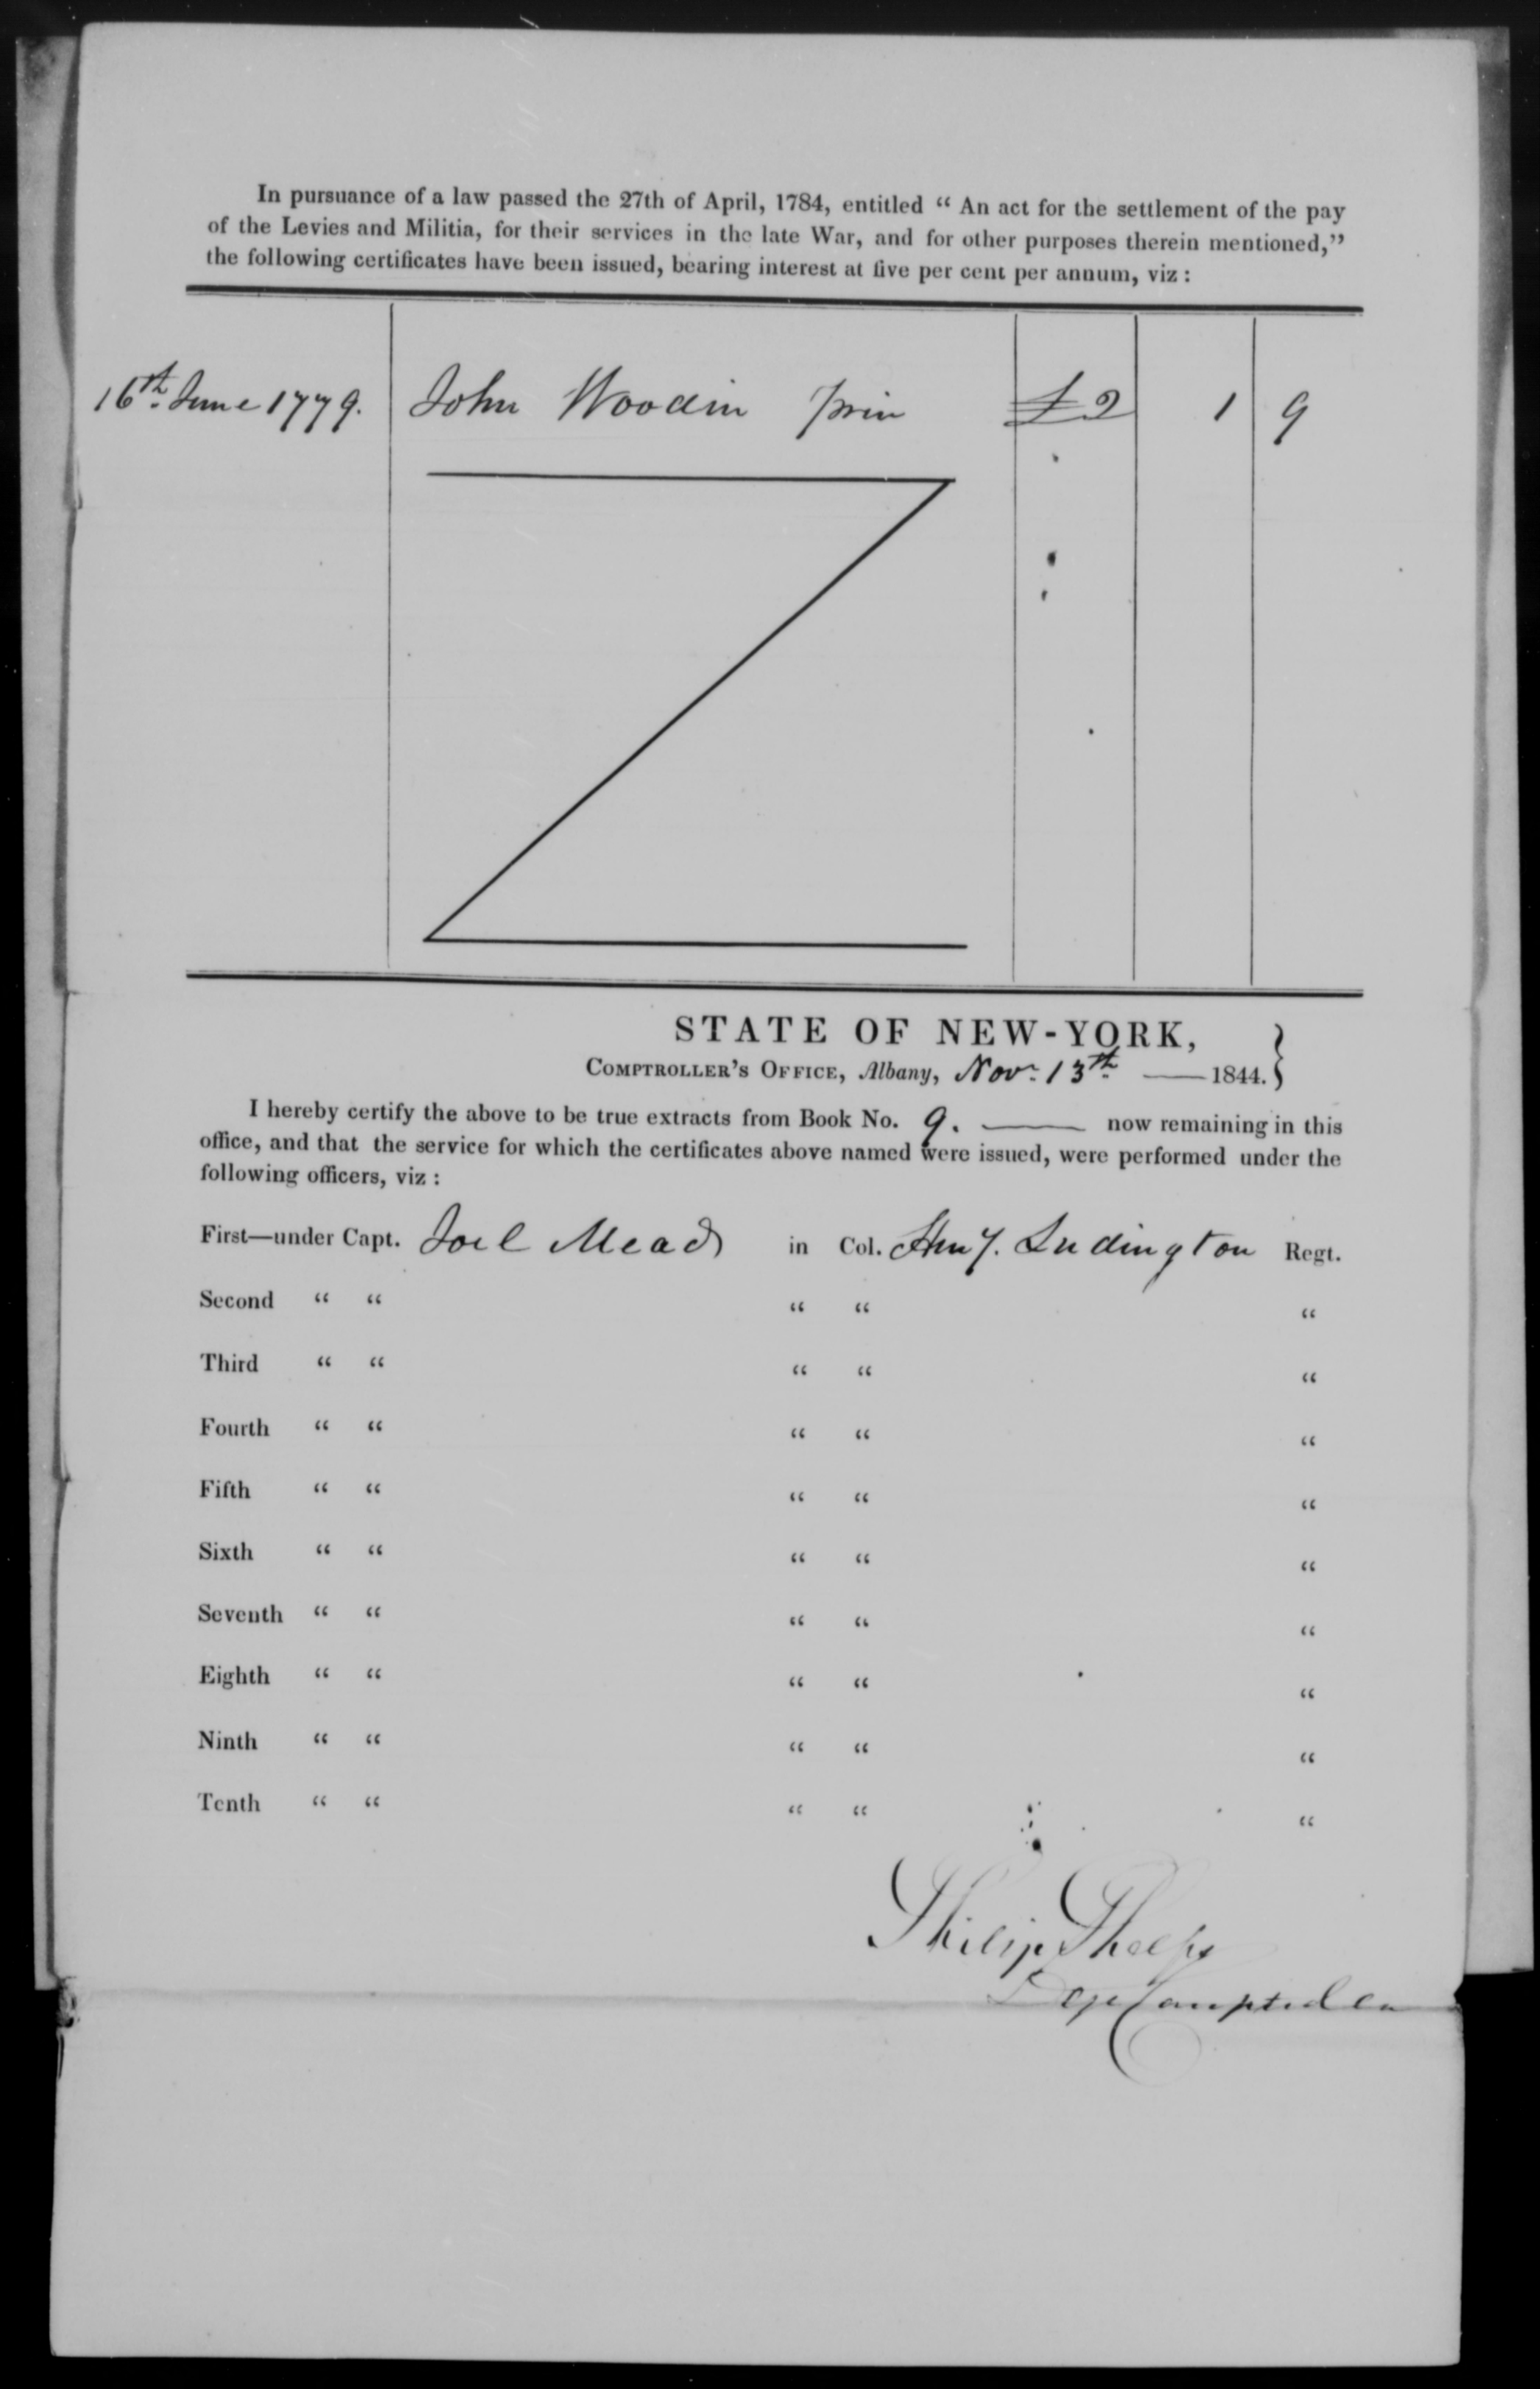In pursuance of a law passed the 27th of April, 1784, entitled "An act for the settlement of the pay the Levies and Militia, for their services in the late War, and for other purposes therein mentioned,” the following certificates have been issued, bearing interest at five per cent per annum, viz: 
16th June 1779. John Woodin 7min  £2 1 9 

STATE OF NEW-YORK, COMPTROLLER'S OFFICE, Albany, Nov. 13th – 1844
I hereby certify the above to be true extracts from Book No. 9 now remaining in this office, and that the service for which the certificates above named were issued, were performed under the following officers, viz: 
First-under Capt. Joel Mead in Col. Henry Ludington Regt. 
Second " " 
Third 
Fourth "" 
Fifth "" 
Sixth "" 
Seventh "" 
Eighth "" 
Ninth "" 
Tenth "" 

Philip Phelps
Dep Comptroller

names: John Woodin, T Ludington, Philip Phelps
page: 64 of 77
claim: widow's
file: W. 19658, John Woodin, New York